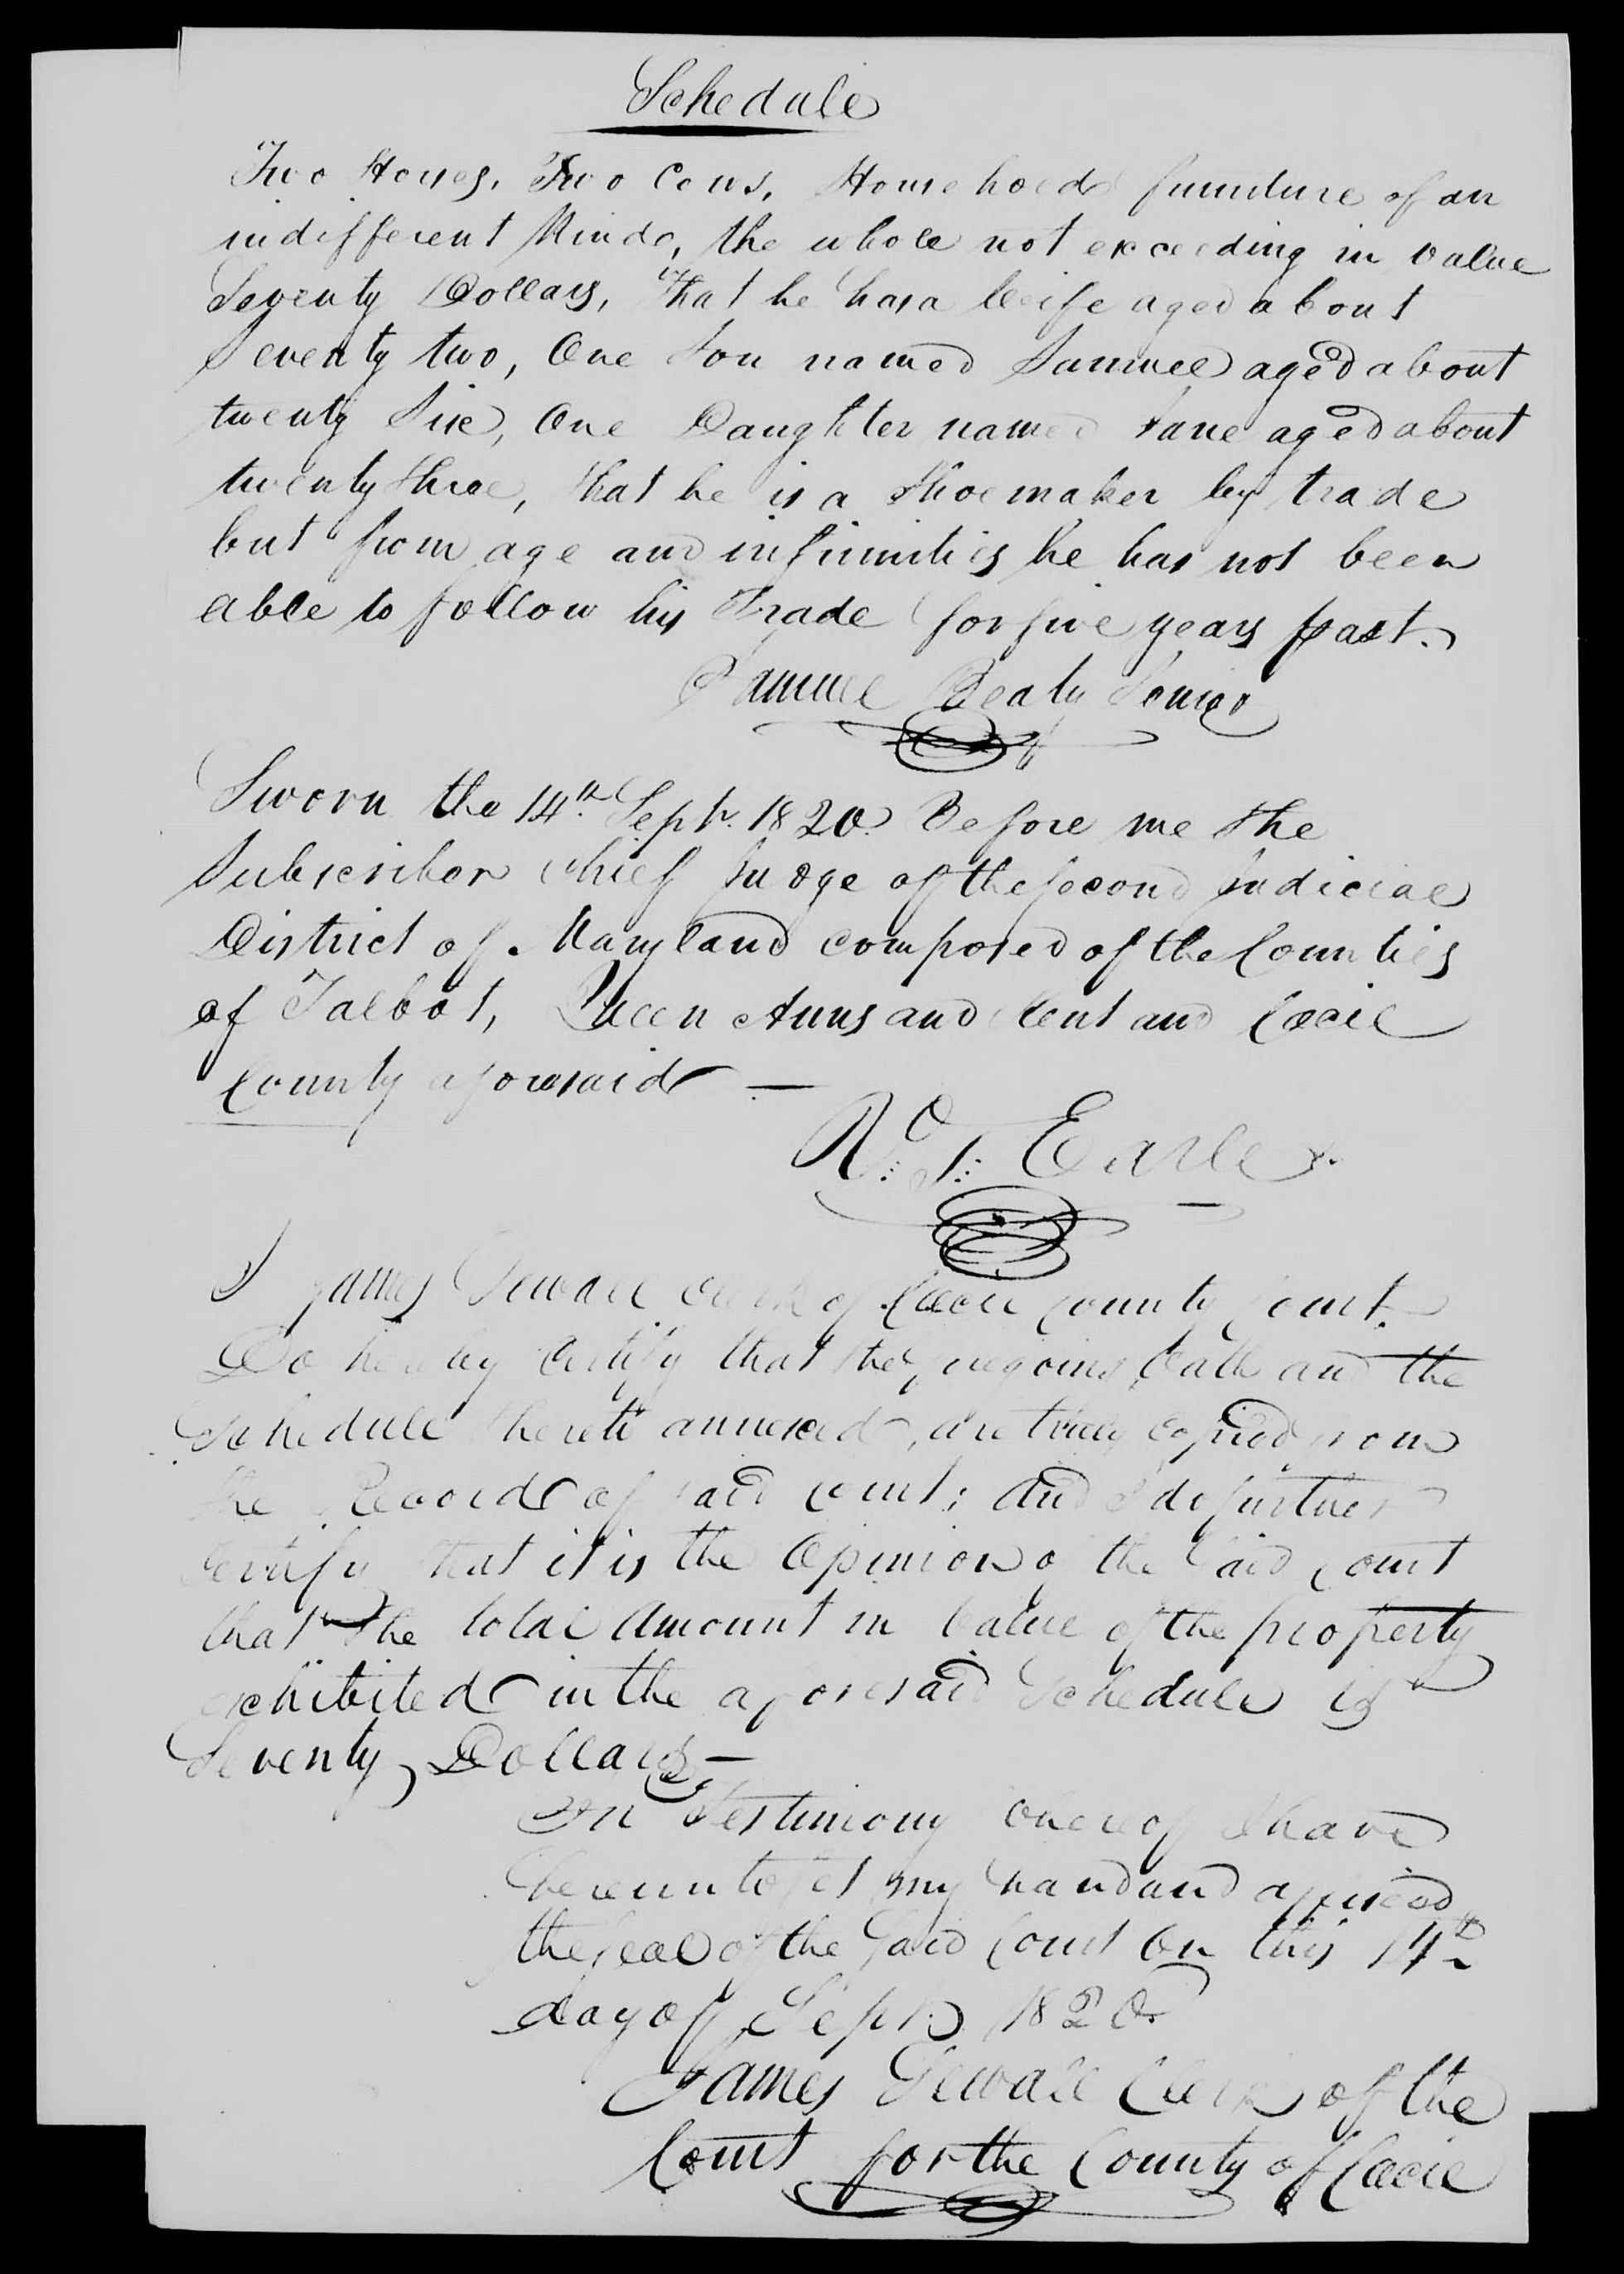Schedule
Two Horses, two Cows, Household furniture of an indifferent kind, the whole not exceeding in value Seventy Dollars, That he has a wife aged about seventy two, one son named Samuel aged about twenty six, one daughter named Jane aged about twenty three, that he is a shoemaker by trade but from age and infirmities he has not been able to follow his trade for five years past.
Samuel Beaty Esquire

Sworn the 14th Sept. 1820. Before me the
Subscriber Chief Judge of the second Judicial
District of Maryland composed of the Counties of Talbot, Queen Anne and Kent and Cecil County aforesaid
R. O. Earle

I, James Sewall Clerk of Cecil County Court
Do hereby certify that the foregoing oath and the Schedule hereto annexed, are true copies from the Record of said Court; and I do further certify that it is the opinion of the said Court
that the total amount in value of the property
exhibited in the aforesaid Schedule is Seventy Dollars ---
In testimony thereof I have hereunto set my hand and affixed the seal of the said Court on this 14th day of Sept 1820.
James Sewall Clerk of the
Court for the County of Cecil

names: Samuel Beaty, Rd T Earle, James Sewall, Samuel, James Sewall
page: 8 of 31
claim: survivor's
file: S. 34646, Samuel Beaty, Penn.